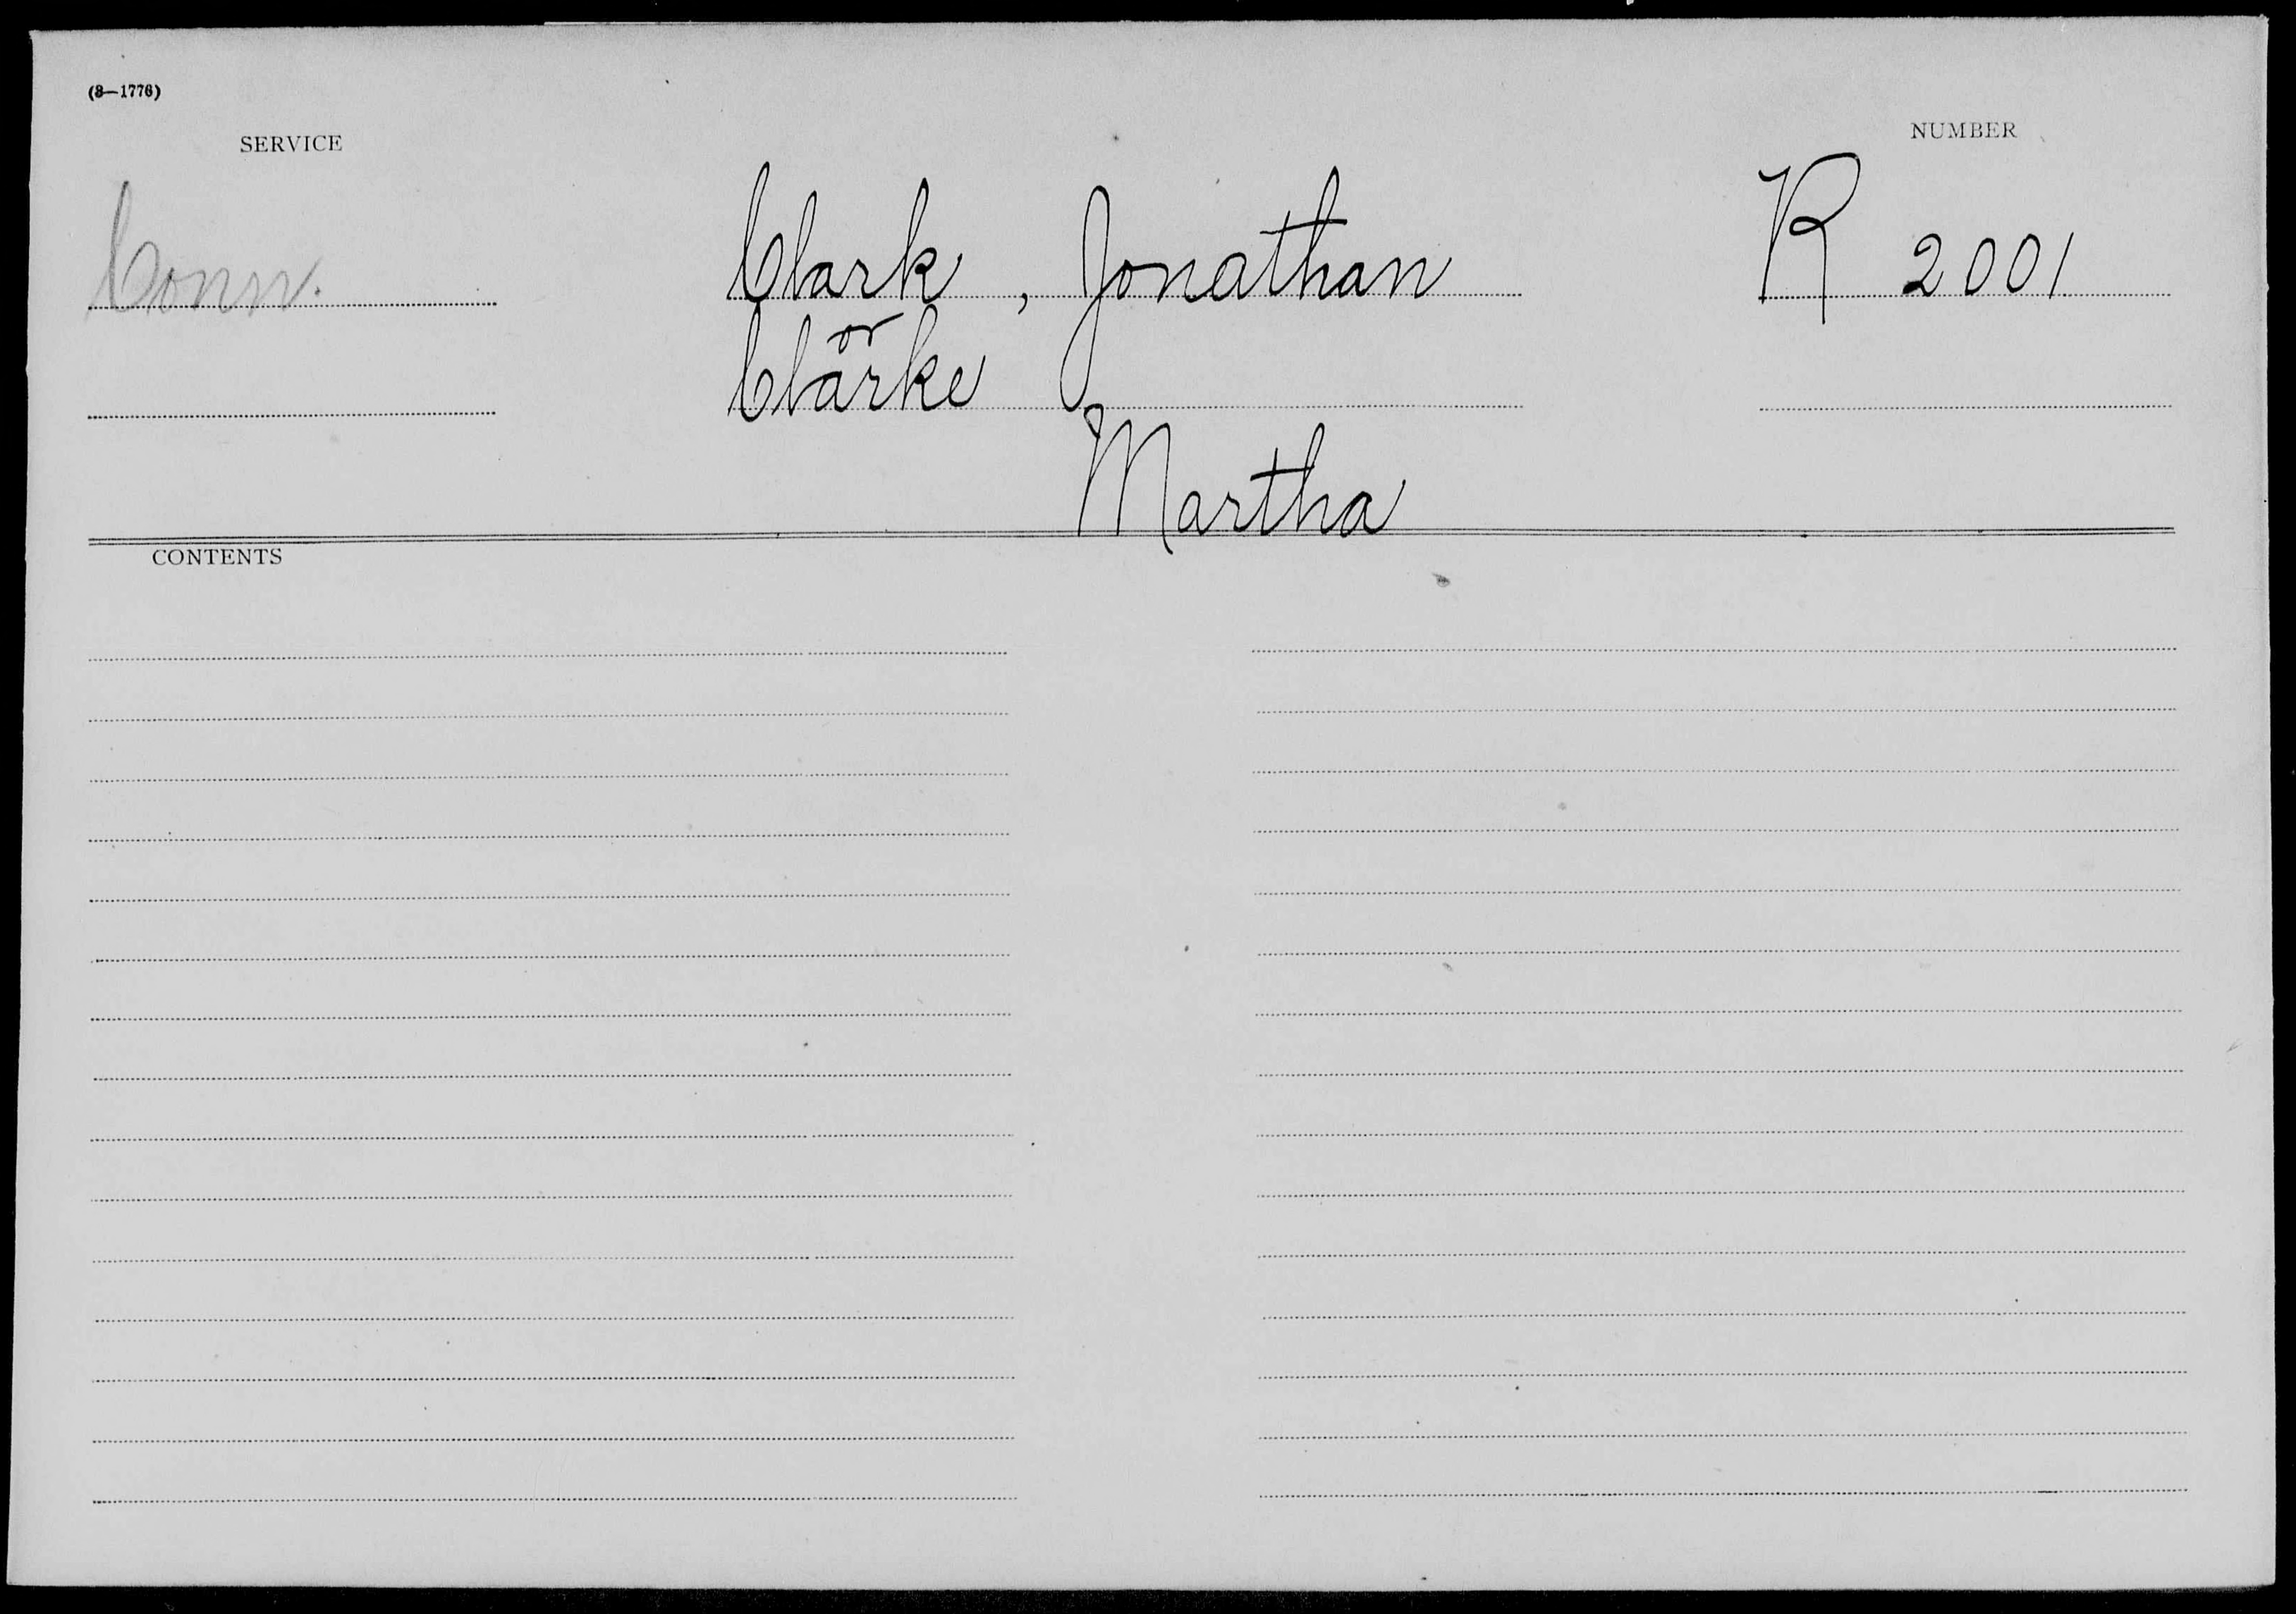Service                                        Number R 2001

Conn        Clark,  Jonathan or Clarke Martha



Contents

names: Jonathan Clarke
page: 1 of 26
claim: rejected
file: R. 2001, Jonathan Clark, Conn.